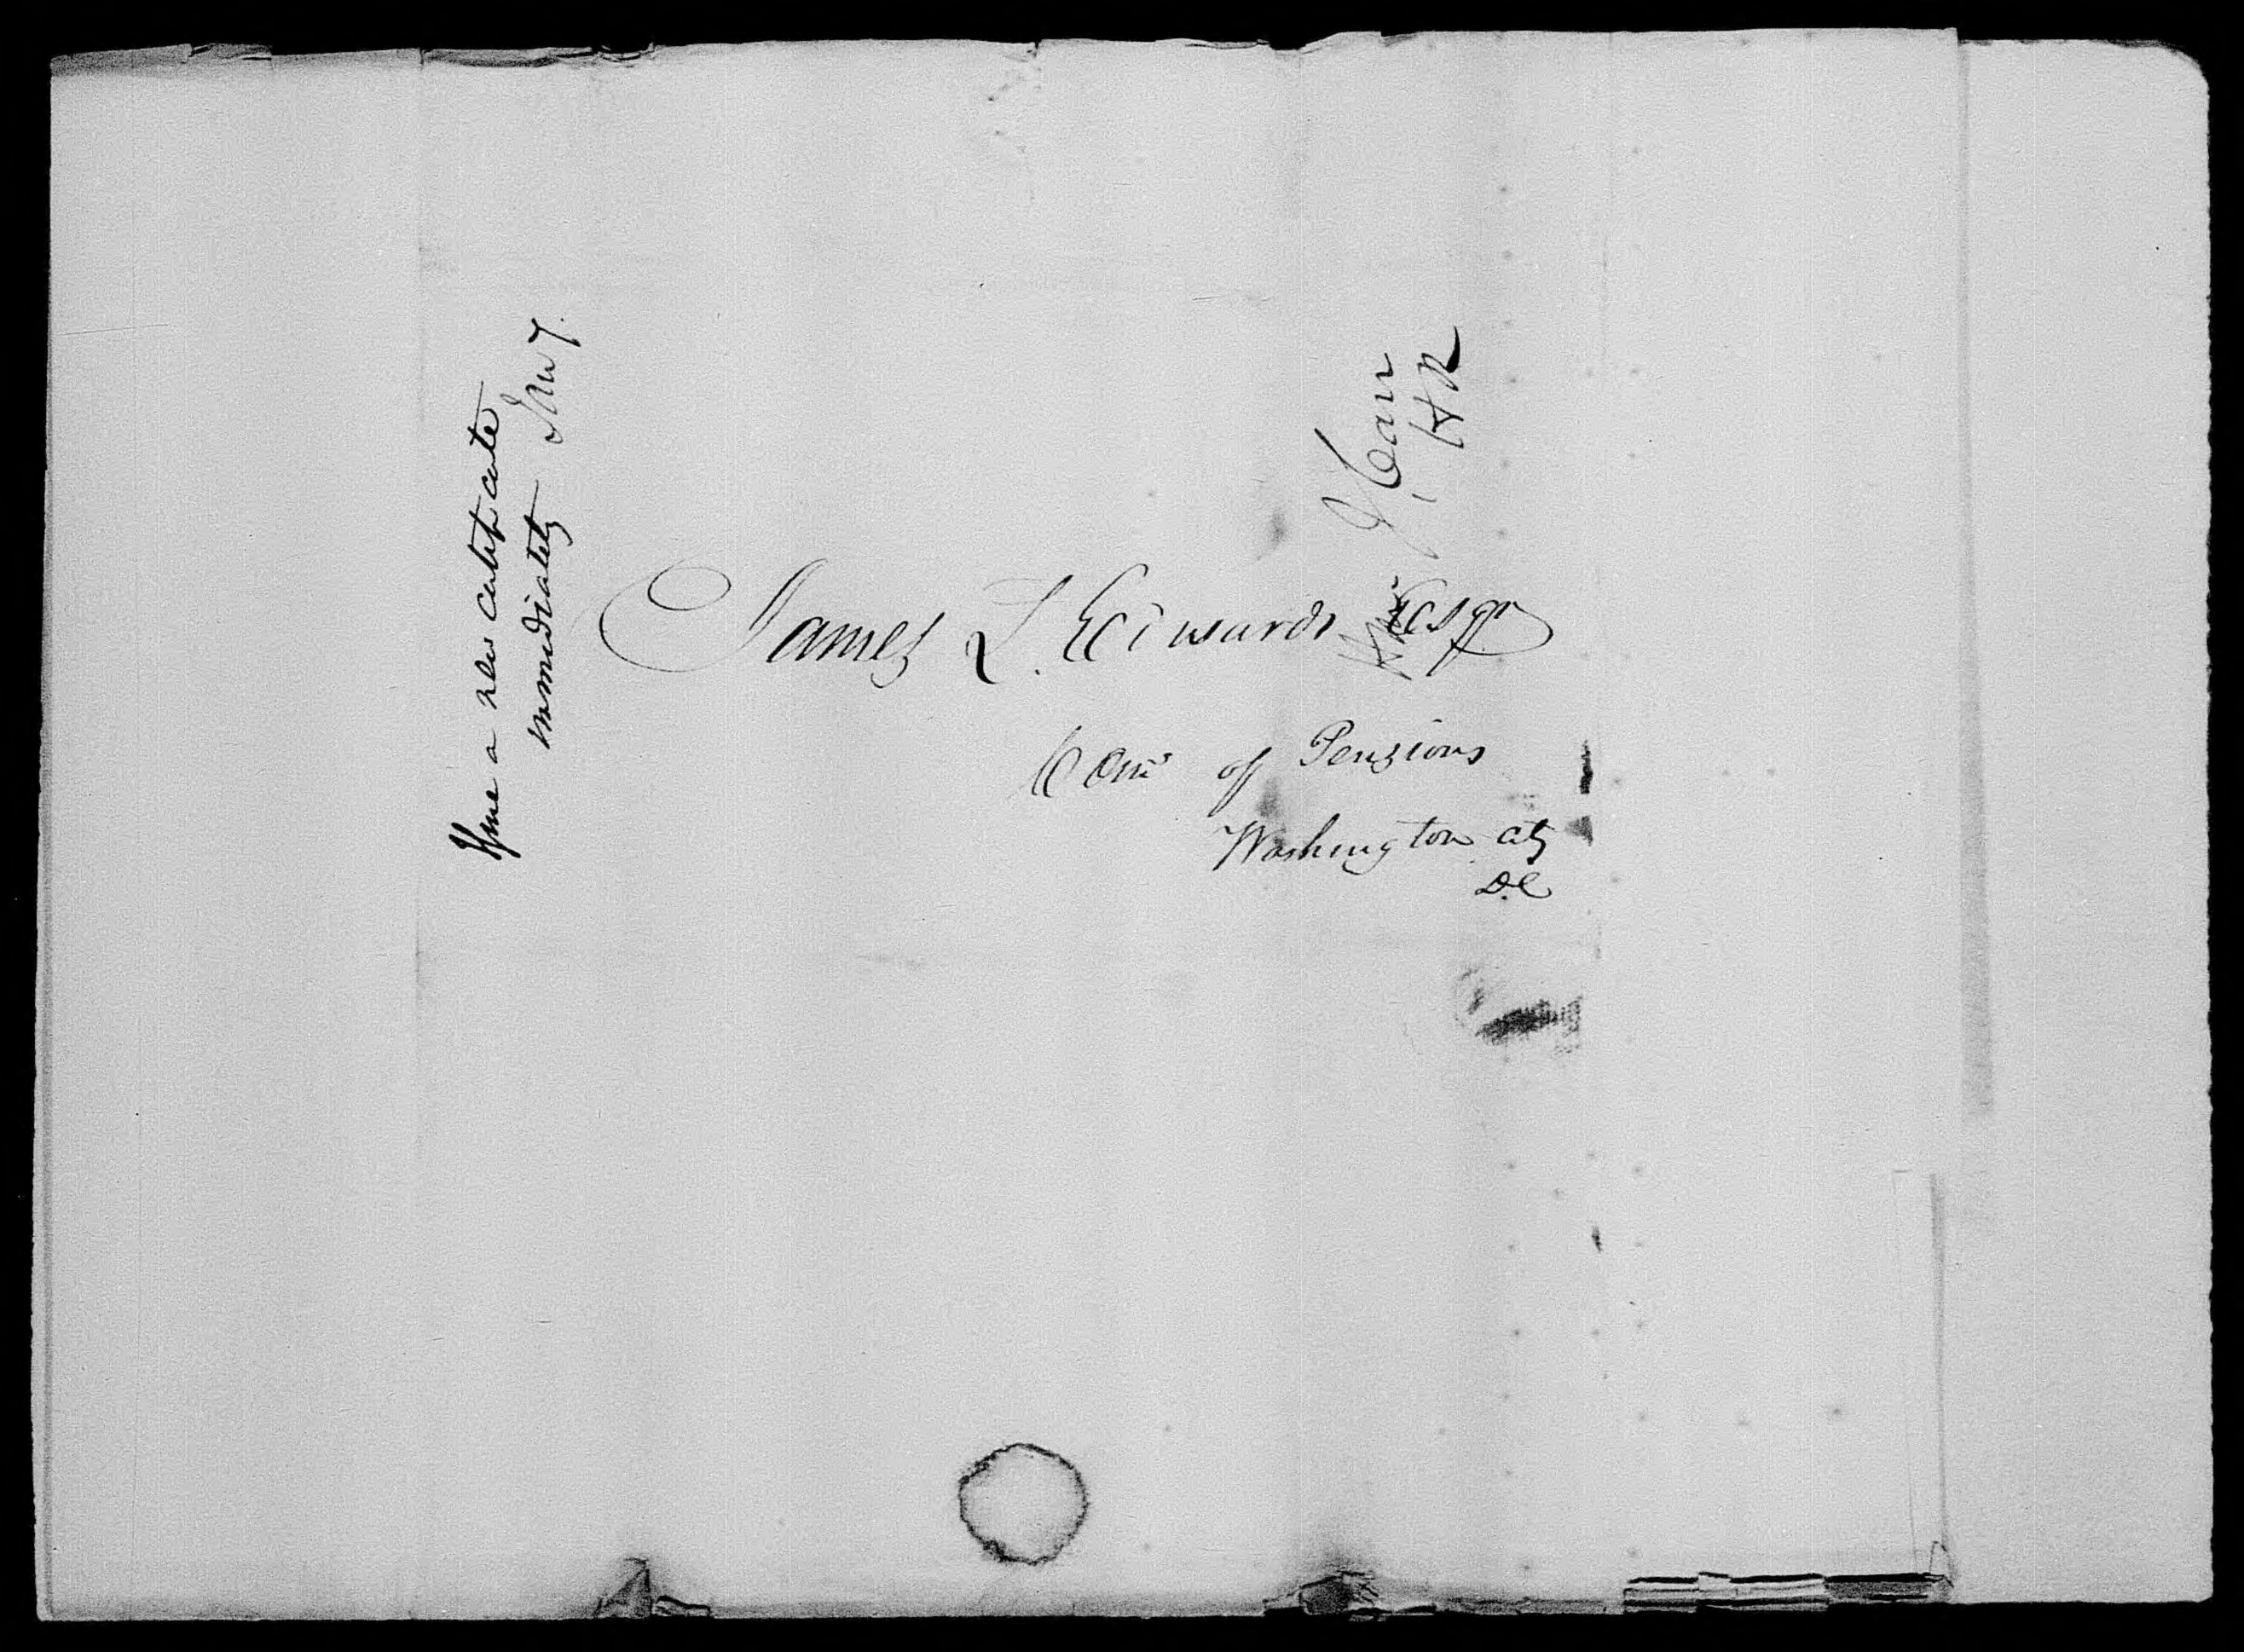James L. Edwards Esqr
Comr of Pensions
Washington City
D. C

[Illegible] a new certificate
immediately Jan7

J Carr
HR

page: 40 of 56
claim: rejected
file: R 5529, for Samuel Jackson, Virginia